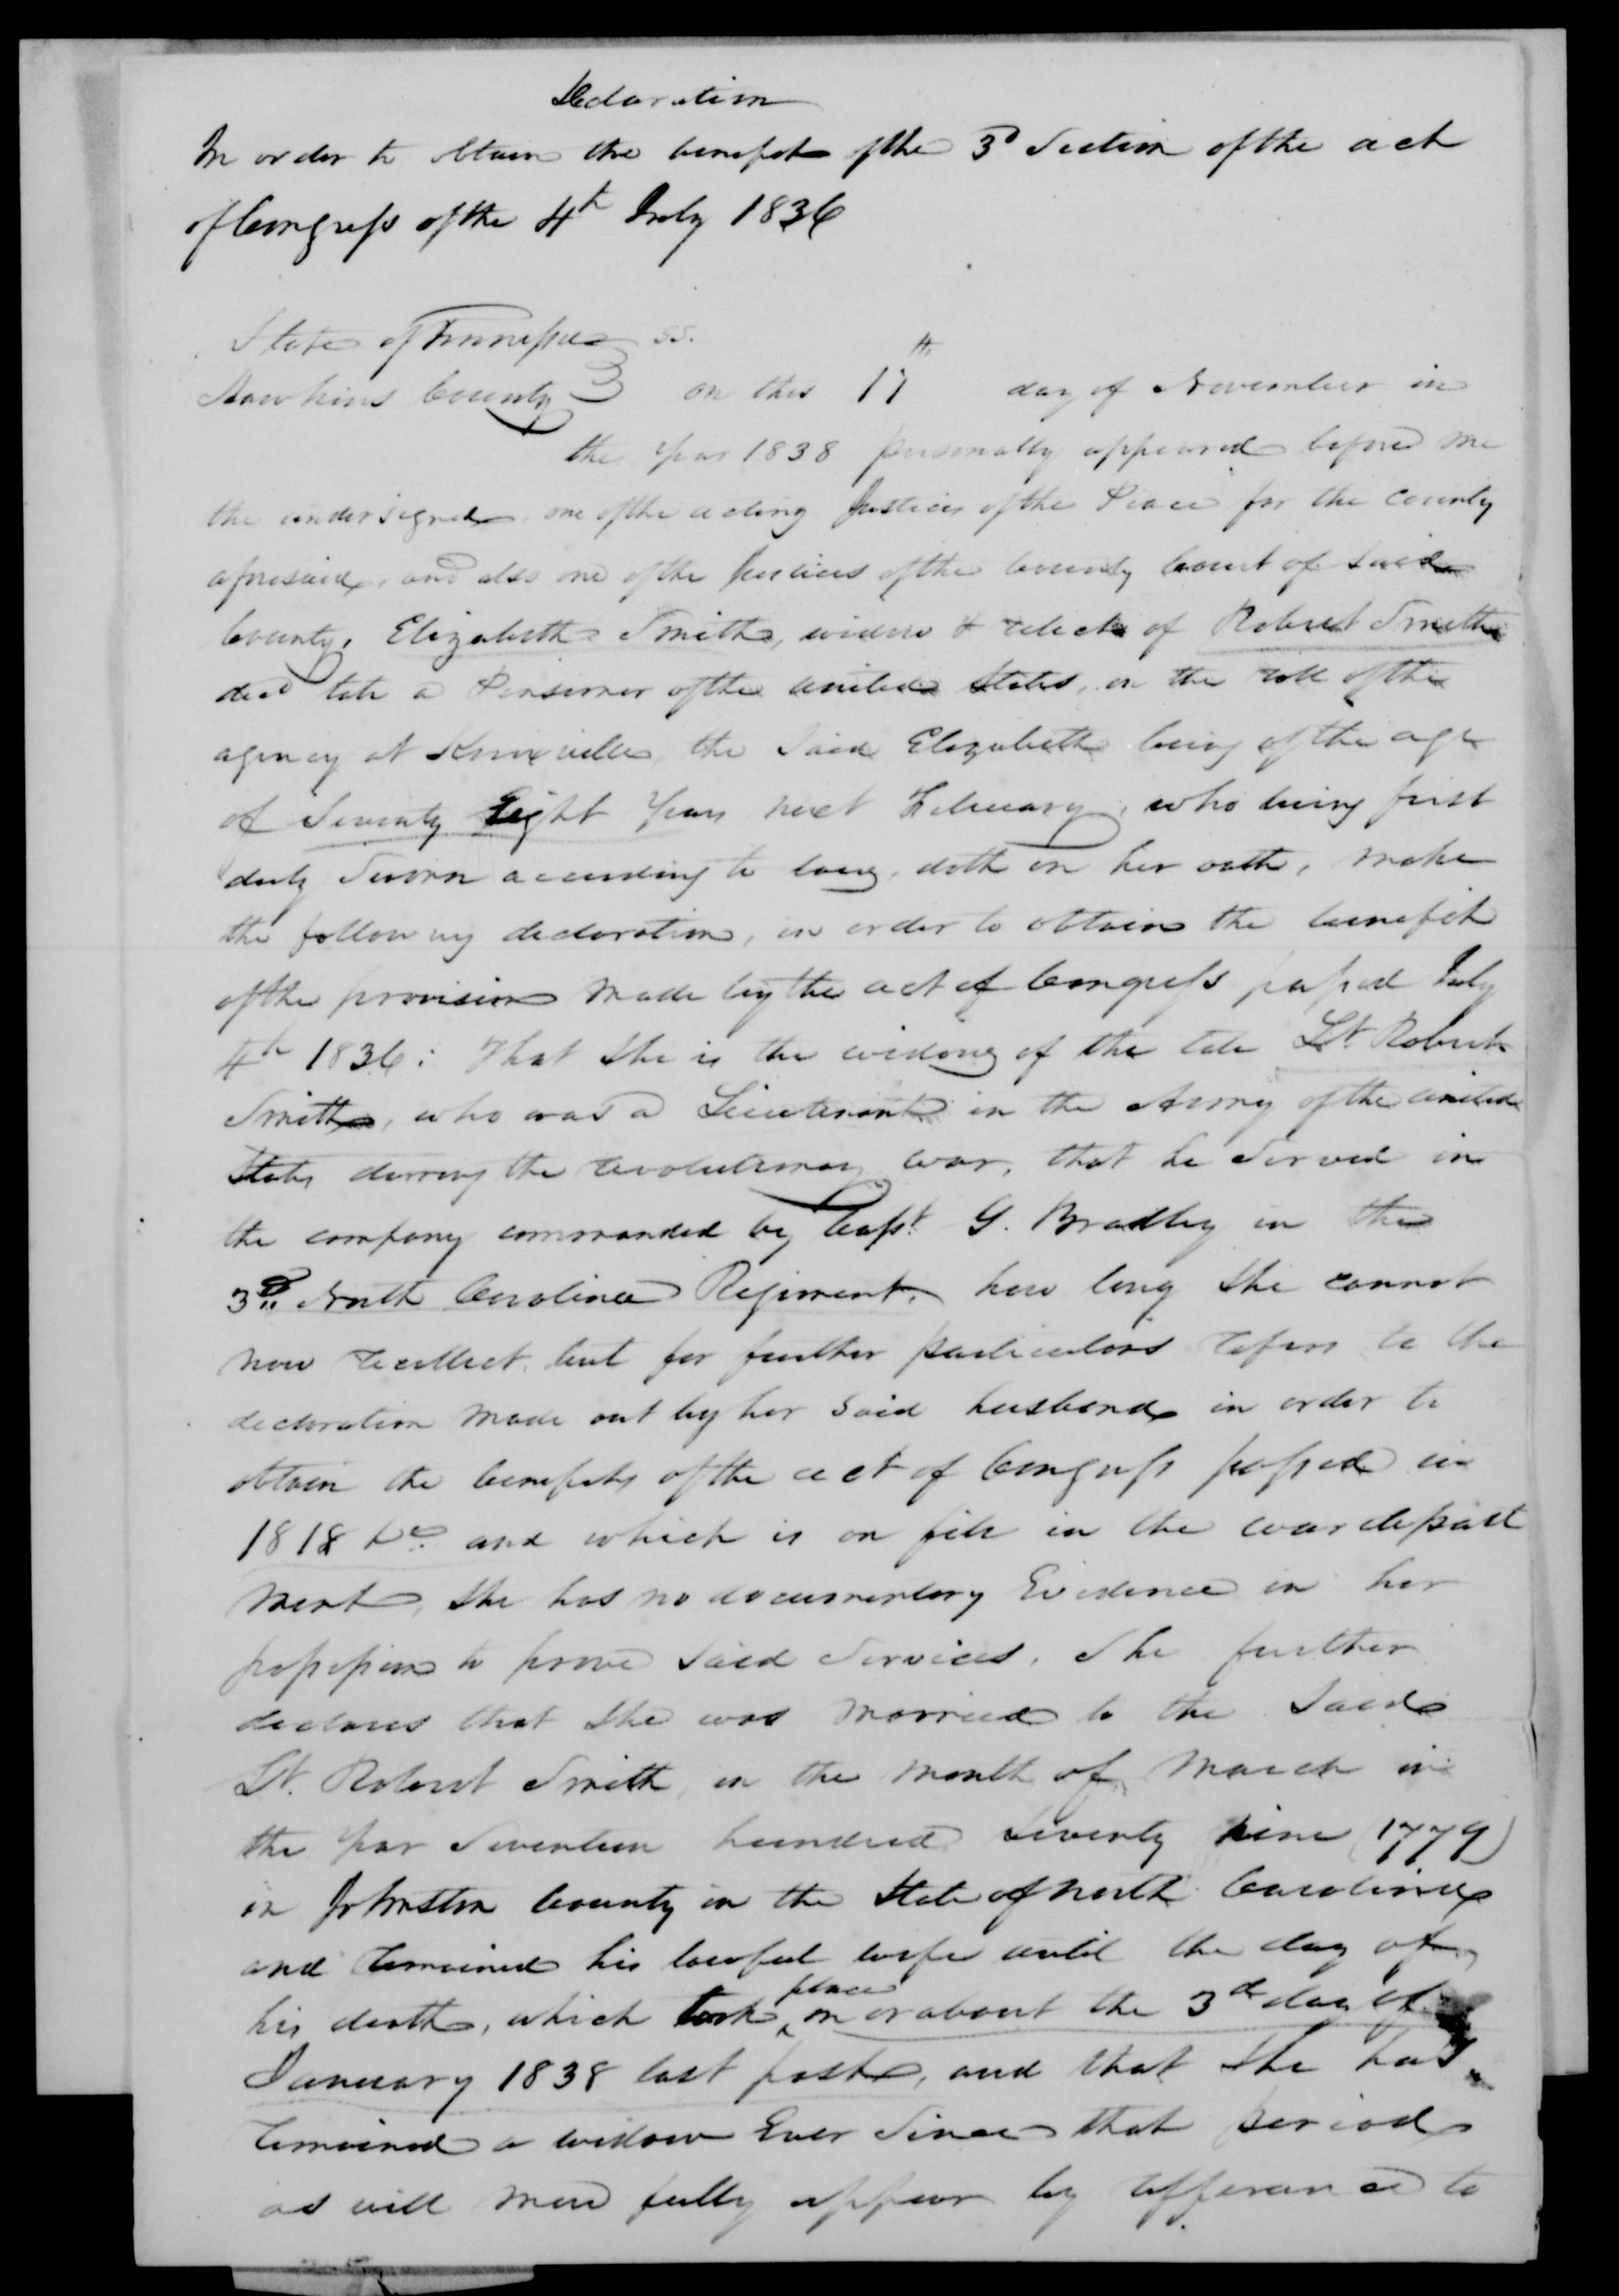Declaration 
In order to obtain the benefit of the 3d section of the act of Congress of teh 4th July 1836
State of Tennessee
Hawkins County } on this 17th day of November in the year 1838 personally appeared before me the undersigned one of the acting justices of the peace for the county aforesaid and also one of the justices of the county court of said county, Elizabeth Smith widow & which of Robert Smith decd was a pensioner of the United States on the roll of the agency at Knoxville the said Elizabeth being of the age of seventy eight years next February who being first duly sworn according to law doth on hear oath make the following declaration in order to obtain the benefit of the provisions made by the act of Congress passed July 4th 1836 That she is the widow of the late Lt Robert Smith who was a Lieutenant in the Army of the United States durring the revolutionary war that he served in the company commanded by Capt G Bradley in the 3rd North Carolina Regiment how long she cannot now recollect but for further particulars refer to the declaration made out by her siad husband in order to obtain the benefits of the act of Congress passed in 1818 and which is on file in the war department she has no documentary evidence in her possession to prove said services She further declares that she was married to the said Lt Robert Smith in the month of March in the year seventeen hundred seventy nine 1779 in Johnston county in the state of North Carolina and remained his lawful wife until the day of his death which took place on or about the 3d day of January 1838 last past and that she has remained a widow ever since that period as will more fully appear by refferance to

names: Robert Smith; Robert Smith; Elizabeth Smith; Elizabeth [BLANK]; G Bradley; Robert Smith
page: 12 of 79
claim: widow's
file: W. 1504, for Robert Smith, North Carolina